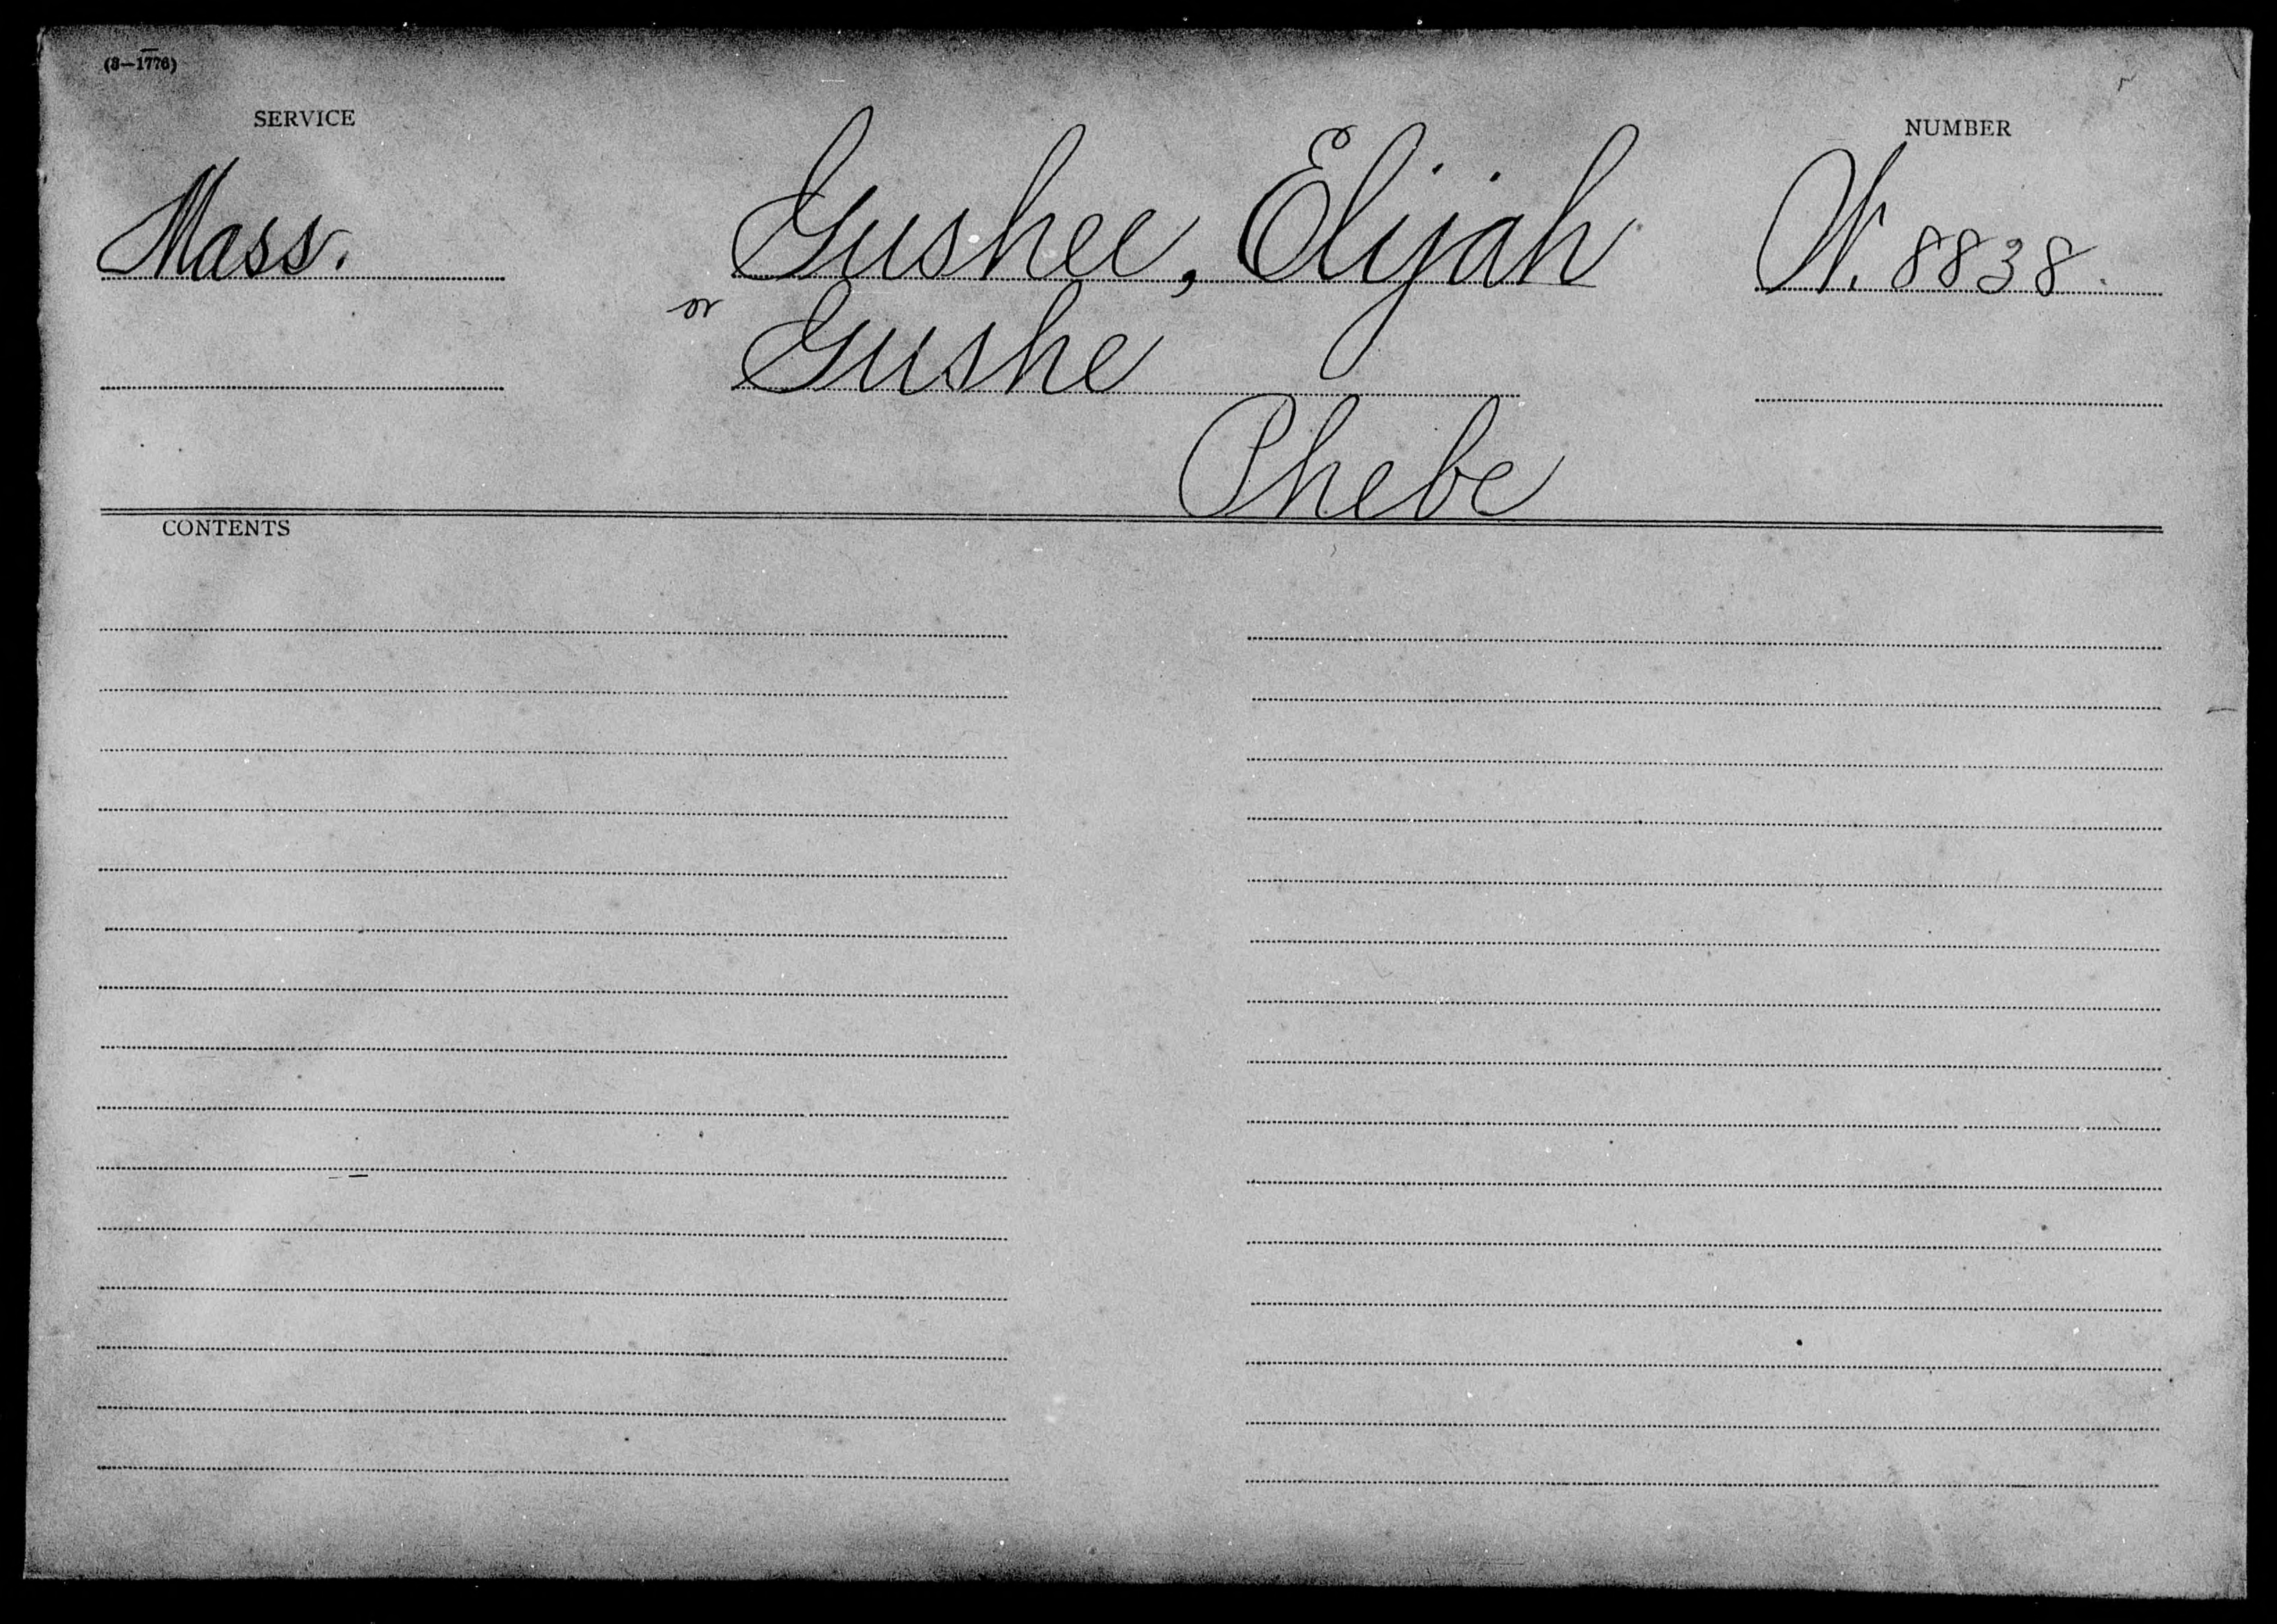SERVICE
Mass. 

NAME
Gushee, Elijah
Gushe
Phebe

NUMBER W:8838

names: Elijah Gushe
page: 1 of 36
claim: widow's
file: W. 8838, Elijah Gushee, Mass.